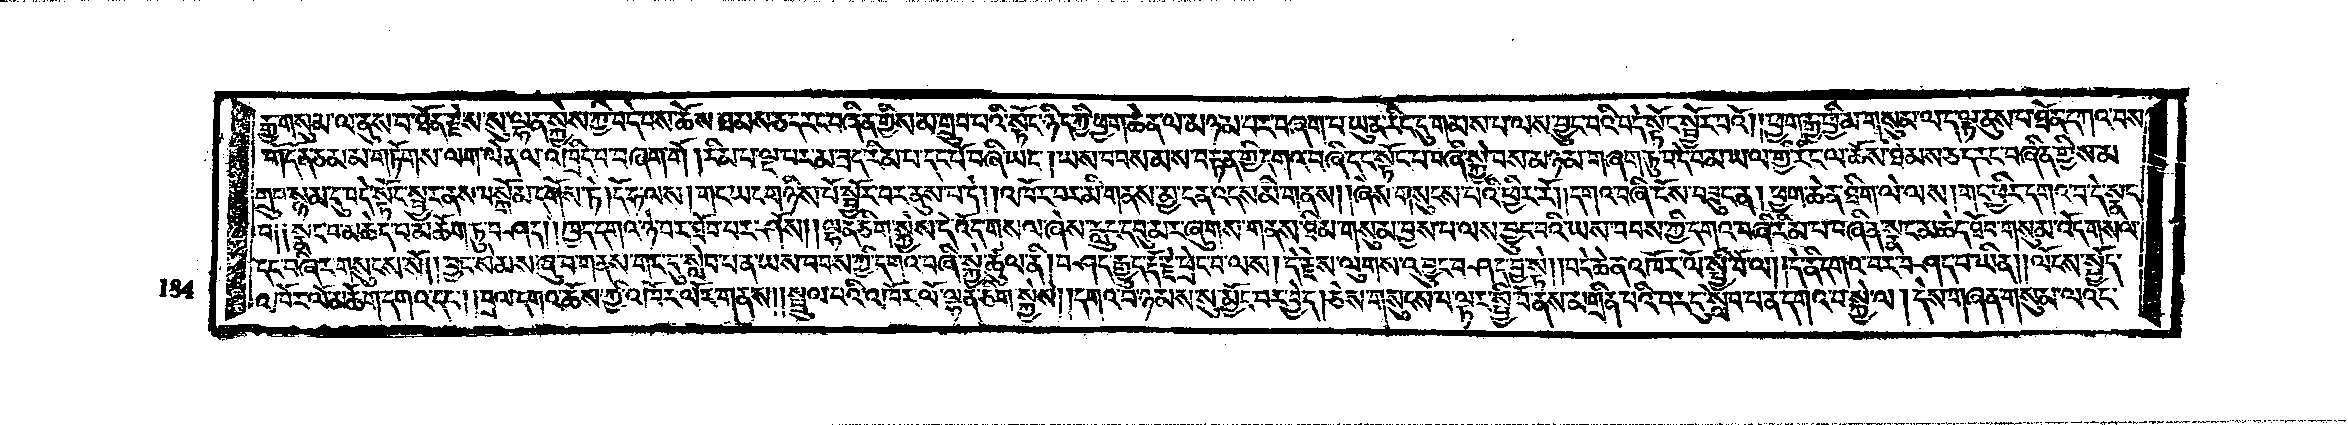རྒྱ་གསུམ་ལ་ནུས་པ་ཐོན་རྗེས་སུ་ལྷན་སྐྱེས་ཀྱི་བདེ་བས་ཆོས་ཐམས་ཅད་རང་བཞིན་གྱིས་མ་གྲུབ་པའི་སྟོང་ཉིད་ཀྱི་ཕྱག་ཆེན་ལ་མཉམ་པར་བཞག་པ་ཡུན་རིང་དུ་གོམས་པ་ལས་བྱུང་བའི་བདེ་སྟོང་སྦྱོར་བའོ། །ཕྱག་རྒྱ་ཕྱི་མ་གསུམ་ལ་ད་ལྟ་ནུས་པ་ཐོན་དཀའ་བས་
གོ་དོན་ཙམ་མ་གཏོགས་ལག་ལེན་ལ་འཁྲིད་པ་བཞག་གོ །རིམ་པ་ལྔ་པར་མ་ཟད་རིམ་པ་དང་པོ་བཞི་ཡང་། ཡས་བབས་མས་བརྟན་གྱི་དགའ་བཞི་དང་སྟོང་པ་བཞི་སྐྱེ་བས་མཉམ་གཞག་ཏུ་བདེ་བ་མ་ཡ་ལ་གྱི་རིང་ལ་ཆོས་ཐམས་ཅད་རང་བཞིན་གྱིས་མ་
གྲུབ་སྙམ་དུ་བདེ་སྟོང་སྦྱར་ནས་བསྒོམ་དགོས་ཏེ། དོ་ཧ་ལས། གང་ཡང་གཉིས་པོ་སྦྱོར་བར་ནུས་པ་དེ། །འཁོར་བར་མི་གནས་མྱ་ངན་འདས་མི་གནས། །ཞེས་གསུངས་པའི་ཕྱིར་རོ། །དགའ་བཞི་ངོས་བཟུང་ན། ཕྱག་ཆེན་ཐིག་ལེ་ལས། གང་ཕྱིར་དགའ་བ་དེ་སྣང་
བ། །སྣང་བ་མཆེད་པ་མཆོག་ཏུ་བཤད། །ཁྱད་དགའ་ཉེ་བར་ཐོབ་པར་ཤེས། །ལྷན་ཅིག་སྐྱེས་དེ་འོད་གསལ་ཞེས་རླུང་དབུ་མར་ཞུགས་གནས་ཐིམ་གསུམ་བྱས་པ་ལས་བྱུང་བའི་ཡས་བབས་ཀྱི་དགའ་བཞི་རིམ་པ་བཞིན་སྣང་མཆེད་ཐོབ་གསུམ་འོད་གསལ་
དང་བཞིར་གསུངས་སོ། །བྱང་སེམས་ཞུ་བ་གནས་གང་དུ་སླེབ་པ་ན་ཡས་བབས་ཀྱི་དགའ་བཞི་སྐྱེ་ཚུལ་ནི། བཤད་རྒྱུད་རྡོ་རྗེ་ཕྲེང་བ་ལས། དེ་རྗེས་ལུགས་འབྱུང་བཤད་བྱ་སྟེ། །བདེ་ཆེན་འཁོར་ལོ་སྤྱི་བོ་ལ། །དེ་ནི་དགའ་བར་བཤད་པ་ཡིན། །ལོངས་སྤྱོད་
འཁོར་ལོ་མཆོག་དགའ་དང་། །བྲལ་དགའ་ཆོས་ཀྱི་འཁོར་ལོར་གནས། །སྤྲུལ་པའི་འཁོར་ལོ་ལྷན་ཅིག་སྐྱེས། །དགའ་བ་ཉམས་སུ་མྱོང་བར་བྱེད། ཅེས་གསུངས་པ་ལྟར་སྤྱི་བོ་ནས་མགྲིན་པའི་བར་དུ་སླེབ་པ་ན་དགའ་བ་སྐྱེ་ལ། དེས་གཞན་གསུམ་ལའང་